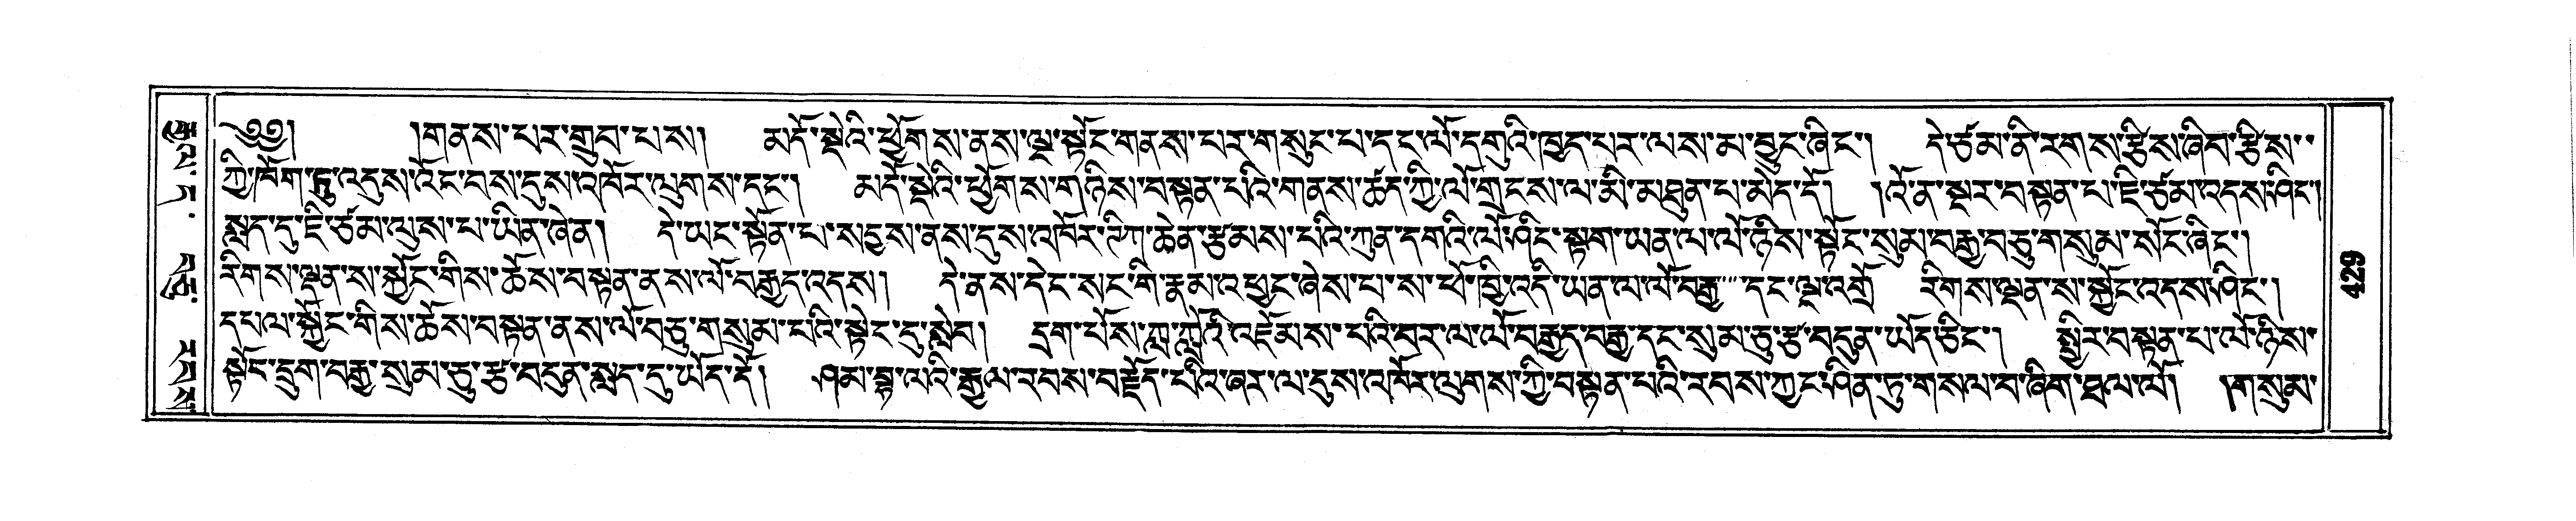༄༅། །གནས་པར་གྲུབ་པས། མདོ་སྡེའི་ཕྱོགས་ནས་ལྔ་སྟོང་གནས་པར་གསུང་པ་དང་ལོ་དགུའི་ཁྱད་པར་ལས་མ་བྱུང་ཞིང་། དེ་ཙམ་ནི་རགས་རྩིས་ཞིབ་རྩིས་
ཀྱི་ཁོག་ཏུ་འདུས་འོང་བས་དུས་འཁོར་ལུགས་དང་། མདོ་སྡེའི་ཕྱོགས་གཉིས་བསྟན་པའི་གནས་ཚད་ཀྱི་ལོ་གྲངས་ལ་མི་མཐུན་པ་མེད་དོ། །འོ་ན་སྔར་བསྟན་པ་ཇི་ཙམ་འདས་ཤིང་།
སླད་དུ་ཇི་ཙམ་ལུས་པ་ཡིན་ཞེ་ན། དེ་ཡང་སྟོན་པ་སདྱས་ནས་དུས་འཁོར་ཊིཀ་ཆེན་རྩམས་པའི་ཀུན་དགའི་ལོ་ཤིང་སྟག་ཡན་ལ་ལོ་ཉིས་སྟོང་སུམ་བརྒྱ་བཅུ་གསུམ་སོང་ཞིང་།
རིགས་ལྡན་ས་སྐྱོང་གིས་ཆོས་བསྟན་ནས་ལོ་བརྒྱད་འདས། དེ་ནས་དེང་སང་གི་རྣམ་འཕྱང་ཞེས་པ་ས་ཕོ་ཁྱི་འདི་ཡན་ལ་ལོ་བརྒྱ་དང་ལྔ་འགྲོ་རིགས་ལྡན་ས་སྐྱོང་འདས་ཤིང་།
དཔལ་སྐྱོང་གིས་ཆོས་བསྟན་ནས་ལོ་བཅུ་གསུམ་པའི་སྟེང་དུ་སླེབ། དྲག་པོས་ཀླ་ཀློའི་འཇོམས་པའི་བར་ལ་ལོ་བརྒྱད་བརྒྱ་དང་སུམ་ཅུ་རྩ་བདུན་ཡོད་ཅིང་། སྤྱིར་བསྟན་པ་ལོ་ཉིས་
སྟོང་དྲུག་བརྒྱ་སུམ་ཅུ་རྩ་བདུན་སླད་དུ་ཡོད་དོ། ཤམ་བྷ་ལའི་རྒྱལ་རབས་བརྗོད་པའི་ཞར་ལ་དུས་འཁོར་ལུགས་ཀྱི་བསྟན་པའི་རབས་ཀྱང་ཤིན་ཏུ་གསལ་བ་ཞིག་ཐལ་ལོ། །གསུམ་